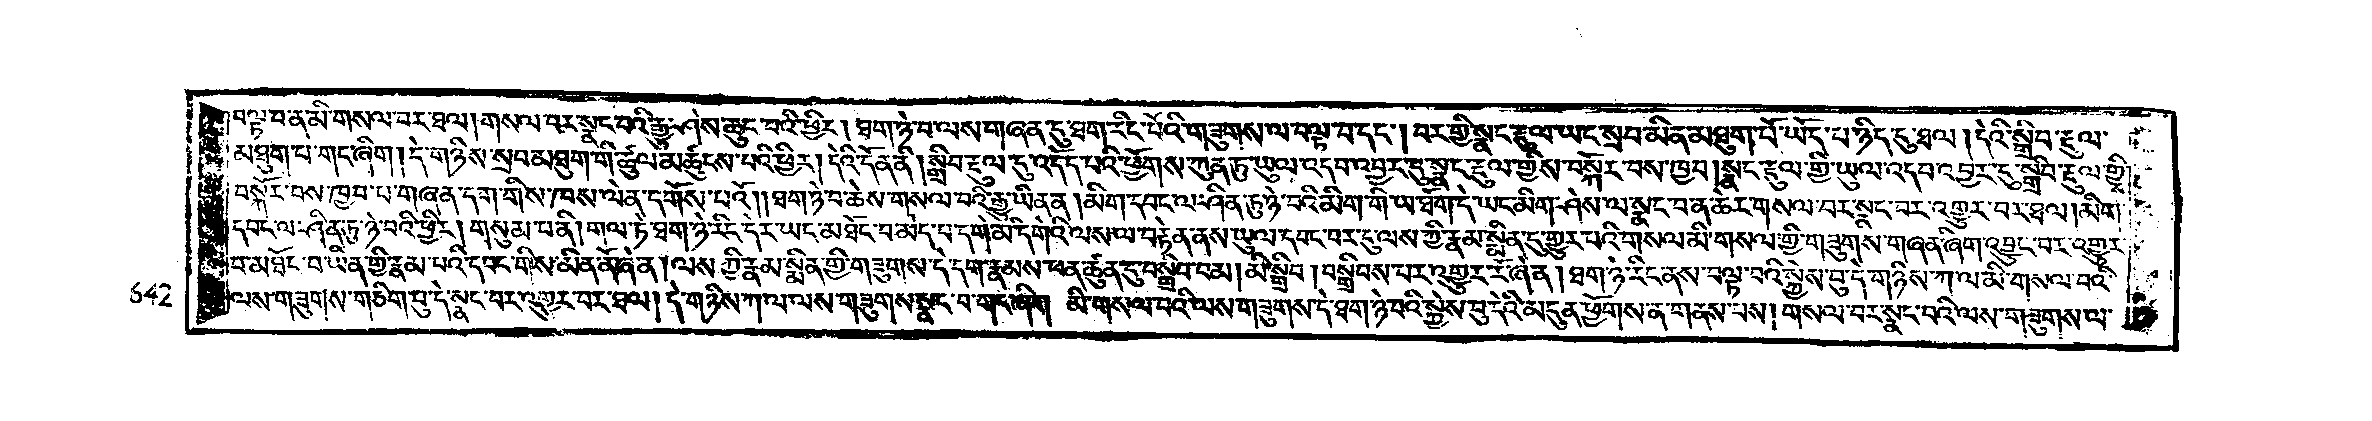བལྟ་བ་ན་མི་གསལ་བར་ཐལ། གསལ་བར་སྣང་བའི་རྒྱུ་ཤེས་ཆུང་བའི་ཕྱིར། ཐག་ཉེ་བ་ལས་གཞན་དུ་ཐག་རིང་པོའི་གཟུགས་ལ་བལྟ་བ་དང་། བར་གྱི་སྣང་རྡུལ་ཡང་སྲབ་མིན་མཐུག་པོ་ཡོད་པ་ཉིད་དུ་ཐལ། དེའི་སྒྲིབ་རྡུལ་
མཐུག་པ་གང་ཞིག །དེ་གཉིས་སྲབ་མཐུག་གི་ཚུལ་མཚུངས་པའི་ཕྱིར། དེའི་དོན་ནི། སྒྲིབ་རྡུལ་དུ་འདོད་པའི་ཕྱོགས་ཀུན་ཏུ་ཡུལ་འདབ་འབྱར་དུ་སྣང་རྡུལ་གྱིས་བསྐོར་བས་ཁྱབ། སྣང་རྡུལ་གྱི་ཡུལ་འདབ་འབྱོར་དུ་སྒྲིབ་རྡུལ་གྱི་
བསྐོར་བས་ཁྱབ་པ་གཞན་དག་གིས་ཁས་ལེན་དགོས་པའོ། །ཐག་ཉེ་བ་ཆེས་གསལ་བའི་རྒྱུ་ཡིན་ན། མིག་དབང་ལ་ཤིན་ཏུ་ཉེ་བའི་མིག་གི་ཡ་ཐོག་དེ་ཡང་མིག་ཤེས་ལ་སྣང་བ་ན་ཆེར་གསལ་བར་སྣང་བར་འགྱུར་བར་ཐལ། མིག་
དབང་ལ་ཤིན་ཏུ་ཉེ་བའི་ཕྱིར། གསུམ་པ་ནི། གལ་ཏེ་ཐག་ཉེ་རིང་དེར་ཡང་མཐོང་བ་མེད་པ་དགེ་མི་དགེའི་ལས་ལ་བརྟེན་ནས་ཡུལ་དབང་བར་དུ་ལས་ཀྱི་རྣམ་སྨིན་དུ་གྱུར་པའི་གསལ་མི་གསལ་གྱི་གཟུགས་གཞན་ཞིག་འབྱུང་བར་འགྱུར་
བ་མཐོང་བ་ཡིན་གྱི་རྣམ་པའི་དབང་གིས་མིན་ནོ་ཞེ་ན། ལས་ཀྱི་རྣམ་སྨིན་གྱི་གཟུགས་དེ་དག་རྣམས་ཕན་ཚུན་དུ་བསྒྲིབ་བམ། མི་སྒྲིབ། བསྒྲིབས་པར་འགྱུར་རོ་ཞེ་ན། ཐག་ཉེ་རིང་ནས་བལྟ་བའི་སྐྱེས་བུ་དེ་གཉིས་ཀ་ལ་མི་གསལ་བའི་
ལས་གཟུགས་གཅིག་པུ་དེ་སྣང་བར་འགྱུར་བར་ཐལ། དེ་གཉིས་ཀ་ལ་ལས་གཟུགས་སྣང་བ་གང་ཞིག་མི་གསལ་བའི་ལས་གཟུགས་དེ་ཐག་ཉེ་བའི་སྐྱེས་བུ་དེའི་མདུན་ཕྱོགས་ན་གནས་པས། གསལ་བར་སྣང་བའི་ལས་གཟུགས་ལ་